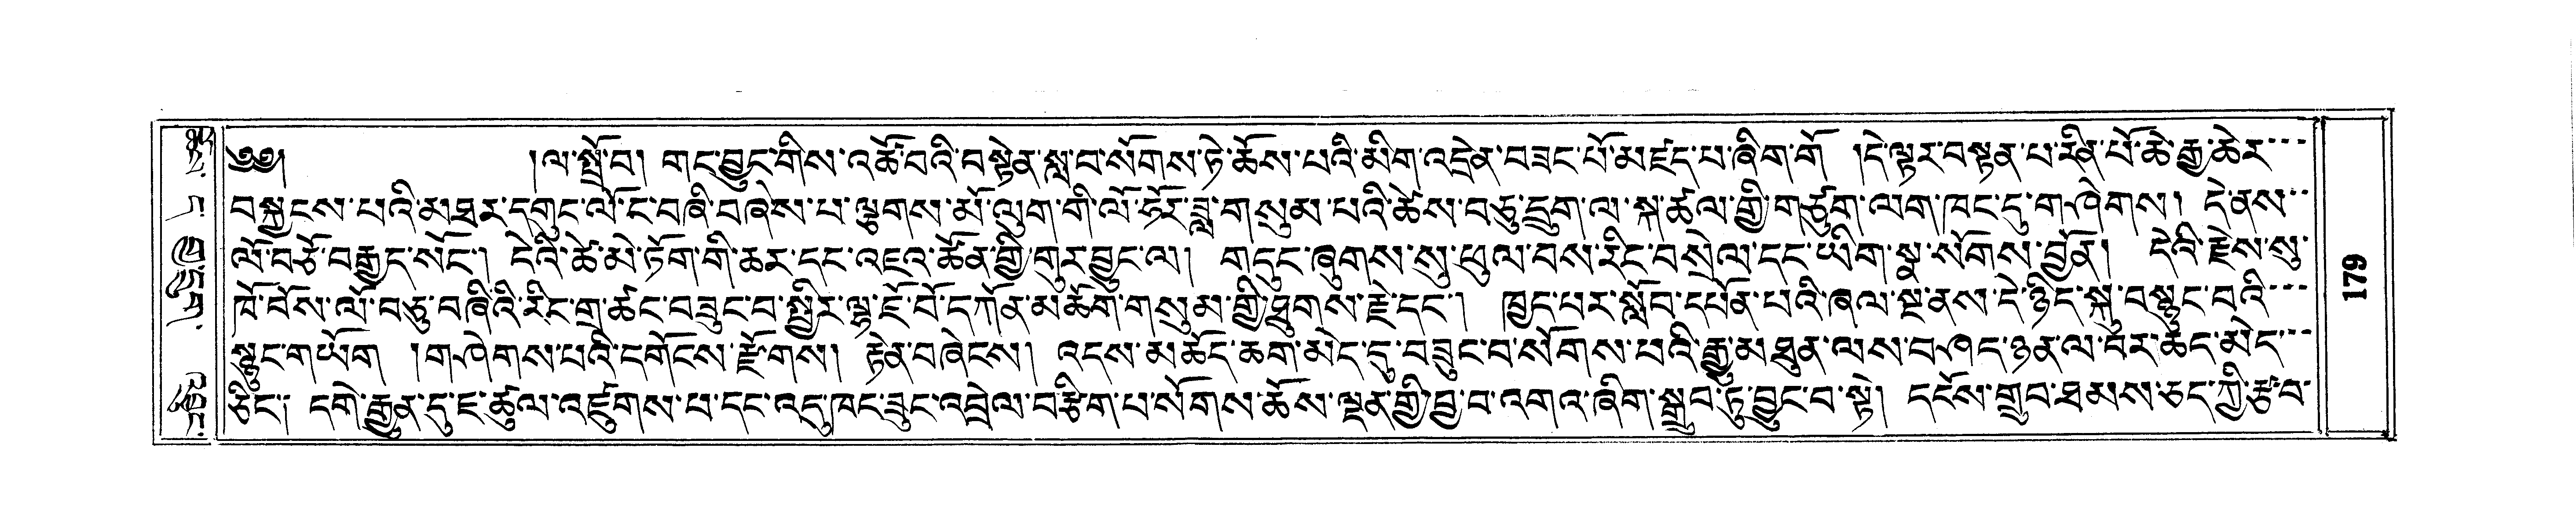༄༅། །ལ་སྤྲོ་བ། གང་བྱུང་གིས་འཚོ་བའི་བསྟེན་སླ་བ་སོགས་ཏེ་ཆོས་པའི་མིག་འདྲེན་བཟང་པོ་མཛད་པ་ཞིག་གོ །དེ་ལྟར་བསྟན་པ་རིན་པོ་ཆེ་རྒྱ་ཆེར་
བསྐྱངས་པའི་མཐར་དགུང་ལོ་ང་བཞི་བཞེས་པ་ལྕགས་མོ་ལུག་གི་ཧོར་ཟླ་གསུམ་པའི་ཚེས་བཅུ་དྲུག་ལ་སྐ་ཚལ་གྱི་གཙུག་ལག་ཁང་དུ་གཤེགས། དེ་ནས་
ལོ་བཅོ་བརྒྱད་སོང་། ངེའི་ཚེ་མེ་ཏོག་གི་ཆར་དང་འཇའ་ཚོན་གྱི་གུར་བྱུང་ལ། གདུང་ཞུགས་སུ་ཕུལ་བས་རིང་བསྲེལ་དང་ཡིག་སྣ་སོགས་བྱོན། དེའི་རྗེས་སུ་
ཁོ་བོས་ལོ་བཅུ་བཞིའི་རིང་གྲ་ཚང་བཟུང་བ་སྤྱིར་ལྷ་ཇོ་བོ་དཀོན་མཆོག་གསུམ་གྱི་ཐུགས་རྗེ་དང་། ཁྱད་པར་སློབ་དཔོན་པའི་ཞལ་སྔ་ནས་དེ་ཉིད་སྐུ་བསྙུང་བའི་
སྙུང་གཡོག །གཤེགས་པའི་དགོངས་རྫོགས། རྟེན་བཞེངས། འདས་མཆོད་ཆག་མེད་དུ་བཟུང་བ་སོགས་པའི་རྒྱུ་མཐུན་ལས་བཤད་ཉན་ལ་བར་ཆད་མེད་
ཅིང༑ དགེ་རྒྱུན་དུ་ཇ་ཚུལ་འཛུགས་པ་དང་འདུ་ཁང་ཟུང་འབྲེལ་བརྩིག་པ་སོགས་ཆོས་ལྡན་གྱི་བྱ་བ་འགའ་ཞིག་སྒྲུབ་ཏུ་བྱུང་བ་སྟེ། དངོས་གྲུབ་ཐམས་ཅད་ཀྱི་རྩ་བ་